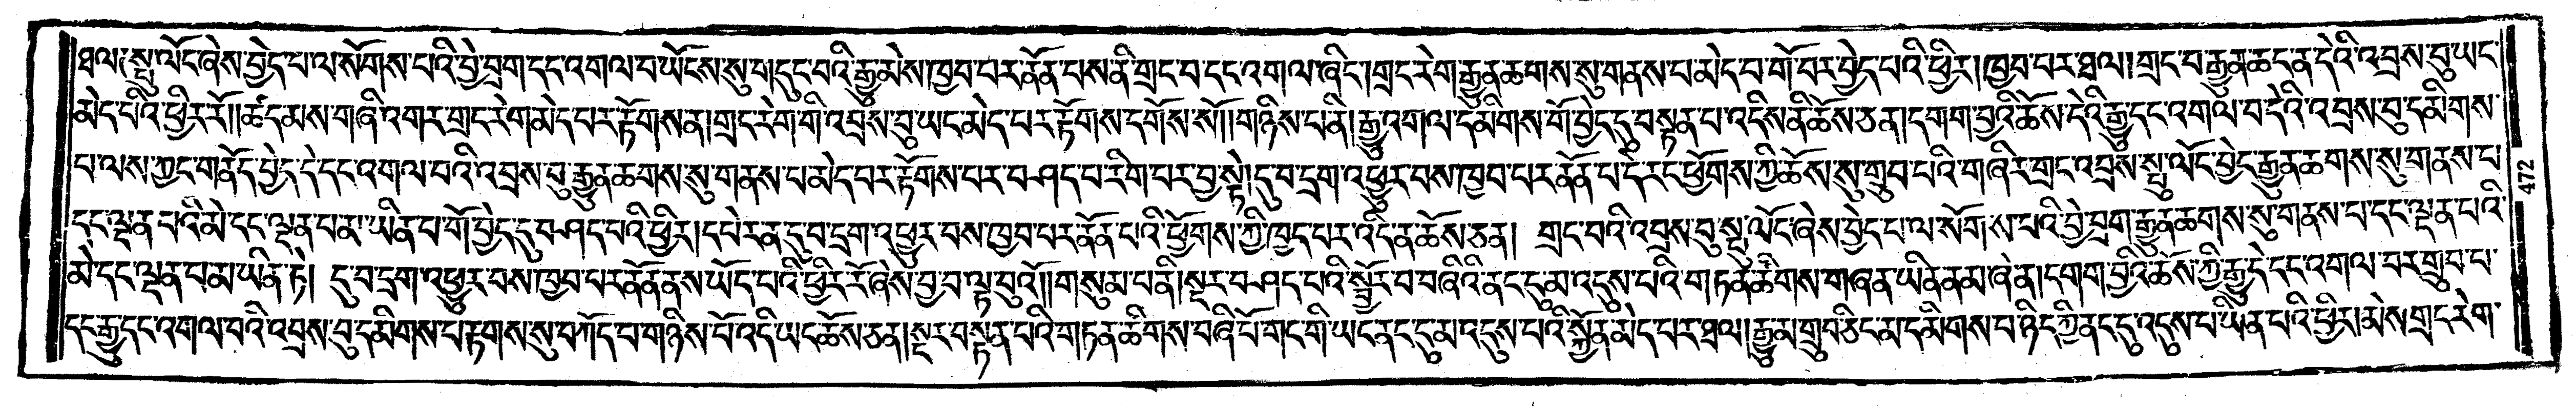ཐལ། སྤུ་ལོང་ཞེས་བྱེད་པ་ལ་སོགས་པའི་བྱེ་བྲག་དང་འགལ་བ་ཡོངས་སུ་གདུང་བའི་རྒྱུ་མེས་ཁྱབ་པར་ནོན་པས་ནི་གྲང་བ་དང་འགལ་ཞིང་། གྲང་རེག་རྒྱུན་ཆགས་སུ་གནས་པ་མེད་པ་གོ་བར་བྱེད་པའི་ཕྱིར། ཁྱབ་པར་ཐལ། གྲང་བ་རྒྱུན་ཆད་ན་དེའི་འབྲས་བུ་ཡང་
མེད་པའི་ཕྱིར་རོ། །ཚད་མས་གཞི་འགར་གྲང་རེག་མེད་པར་རྟོགས་ན། གྲང་རེག་གི་འབྲས་བུ་ཡང་མེད་པར་རྟོགས་དགོས་སོ། །གཉིས་པ་ནི། རྒྱུ་འགལ་དམིགས་གོ་བྱེད་དུ་བསྟན་པ་འདིས་ནི་ཆོས་ཅན། དགག་བྱའི་ཆོས་དེའི་རྒྱུ་དང་འགལ་བ་དེའི་འབྲས་བུ་དམིགས་
པ་ལས་ཀྱང་གནོད་བྱེད་དེ་དང་འགལ་བའི་འབྲས་བུ་རྒྱུན་ཆགས་སུ་གནས་པ་མེད་པར་རྟོགས་པར་བཤད་པ་རིག་པར་བྱ་སྟེ། དུ་བ་དྲག་འཕྱུར་བས་ཁྱབ་པར་ནོན་པ་དེ་རང་ཕྱོགས་ཀྱི་ཆོས་སུ་གྲུབ་པའི་གཞིར་གྲང་འབྲས་སྤུ་ལོང་བྱེད་རྒྱུན་ཆགས་སུ་གནས་པ་
དང་ལྡན་པའི་མེ་དང་ལྡན་པ་མ་ཡིན་པ་གོ་བྱེད་དུ་བཤད་པའི་ཕྱིར། དཔེར་ན་དུ་བ་དྲག་འཕྱུར་བས་ཁྱབ་པར་ནོན་པའི་ཕྱོགས་ཀྱི་ཁྱད་པར་འདི་ན་ཆོས་ཅན། གྲང་བའི་འབྲས་བུ་སྤུ་ལོང་ཞེས་བྱེད་པ་ལ་སོགས་པའི་བྱེ་བྲག་རྒྱུན་ཆགས་སུ་གནས་པ་དང་ལྡན་པའི་
མེ་དང་ལྡན་པ་མ་ཡིན་ཏེ། དུ་བ་དྲག་འཕྱུར་བས་ཁྱབ་པར་ནོན་ནས་ཡོད་པའི་ཕྱིར་རོ་ཞེས་བྱ་བ་ལྟ་བུའོ། །གསུམ་པ་ནི། སྔར་བཤད་པའི་སྦྱོར་བ་བཞིའི་ནང་དུ་མ་འདུས་པའི་གཏན་ཚིགས་གཞན་ཡིན་ནམ་ཞེ་ན། དགག་བྱའི་ཆོས་ཀྱི་རྒྱུ་དེ་དང་འགལ་བར་གྲུབ་པ་
དང་རྒྱུ་དང་འགལ་བའི་འབྲས་བུ་དམིགས་པ་རྟགས་སུ་བཀོད་པ་གཉིས་པོ་འདི་ཡང་ཆོས་ཅན། སྔར་བསྟན་པའི་གཏན་ཚིགས་བཞི་པོ་གང་གི་ཡང་ནང་དུ་མ་འདུས་པའི་སྐྱོན་མེད་པར་ཐལ། རྒྱུ་མ་གྲུབ་ཅིང་མ་དམིགས་པ་ཉིད་ཀྱི་ནང་དུ་འདུས་པ་ཡིན་པའི་ཕྱིར། མེས་གྲང་རེག་